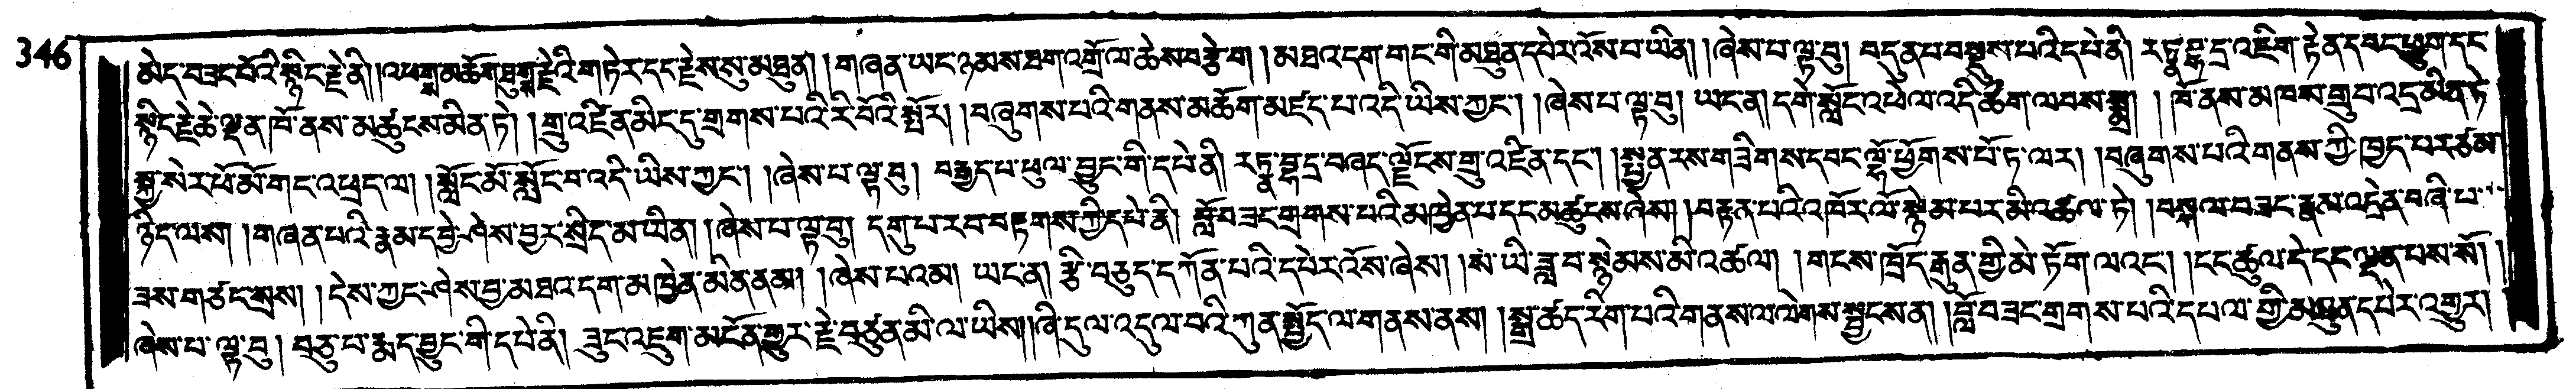མེད་བཟང་པོའི་སྙིང་རྗེ་ནི། །འཕགས་མཆོག་ཐུགས་རྗེའི་གཏེར་དང་རྗེས་སུ་མཐུན། །གཞན་ཡང་ཉམས་ཐག་འགྲོ་ལ་ཆེས་བརྩེ་ག །མཐའ་དག་གང་གི་མཐུན་དཔེར་འོས་པ་ཡིན། །ཞེས་པ་ལྟ་བུ། བདུན་པ་བསྡུས་པའི་དཔེ་ནི། རཏྣ་བྷ་དྲ་འཇིག་རྟེན་དབང་ཕྱུག་དང་
སྙིང་རྗེ་ཆེ་ལྡན་ཁོ་ནས་མཚུངས་མིན་ཏེ། །གྲུ་འཛིན་མིང་དུ་གྲགས་པའི་རི་བོའི་སྤོར། །བཞུགས་པའི་གནས་མཆོག་མཛད་པ་འདི་ཡིས་ཀྱང་། །ཞེས་པ་ལྟ་བུ། ཡང་ན། དགེ་སློང་འཕེལ་འདི་ཚིག་ལབས་སྨྲ། །ཁོ་ནས་མཁས་གྲུབ་འདྲ་མིན་ཏེ་
སྐྱ་སེར་ཕོ་མོ་གང་འཕྲད་ལ། །སློང་མོ་སློང་བ་འདི་ཡིས་ཀྱང་། །ཞེས་པ་ལྟ་བུ། བརྒྱད་པ་ཕུལ་བྱུང་གྱི་དཔེ་ནི། རཏྣ་བྷ་དྲ་བཞད་ལྗོངས་གྲུ་འཛིན་དང་། །སྤྱན་རས་གཟིགས་དབང་ལྷོ་ཕྱོགས་པོ་ཏ་ལར། །བཞུགས་པའི་གནས་ཀྱི་ཁྱད་པར་ཙམ་
ཉིད་ལས། །གཞན་པའི་རྣམ་དབྱེ་ཤེས་བྱར་སྲིད་མ་ཡིན། །ཞེས་པ་ལྟ་བུ། དགུ་པ་རབ་བརྟགས་ཀྱི་དཔེ་ནི། བློ་བཟང་གྲགས་པའི་མཁྱེན་པ་དང་མཚུངས་ཞེས། །བརྟན་པའི་འཁོར་ལོ་སྙེམ་པར་མི་འཚལ་ཏེ། །བསྐལ་བཟང་རྣམ་འདྲེན་བཞི་པ་
ཟས་གཙང་སྲས། །དེས་ཀྱང་ཤེས་བྱ་མཐའ་དག་མཁྱེན་མིན་ནམ། །ཞེས་པའམ། ཡང་ན། རྩི་བཅུད་དཀོན་པའི་དཔེར་འོས་ཞེས། །ས་ཡི་ཟླ་བ་སྙེམས་མི་འཚལ། །གངས་ཁྲོད་རྒུན་གྱི་མེ་ཏོག་ལའང་། །ངང་ཚུལ་དེ་དང་ལྡན་པས་སོ། །
ཞེས་པ་ལྟ་བུ། བཅུ་པ་རྨད་བྱུང་གི་དཔེ་ནི། ཟུང་འཇུག་མངོན་གྱུར་རྗེ་བཙུན་མི་ལ་ཡིས། །ཞི་དུལ་འདུལ་བའི་ཀུན་སྤྱོད་ལ་གནས་ནས། །སྒྲ་ཚད་རིག་པའི་གནས་ལ་ལེགས་སྦྱངས་ན། །བློ་བཟང་གྲགས་པའི་དཔལ་གྱི་མཐུན་དཔེར་འགྱུར། །